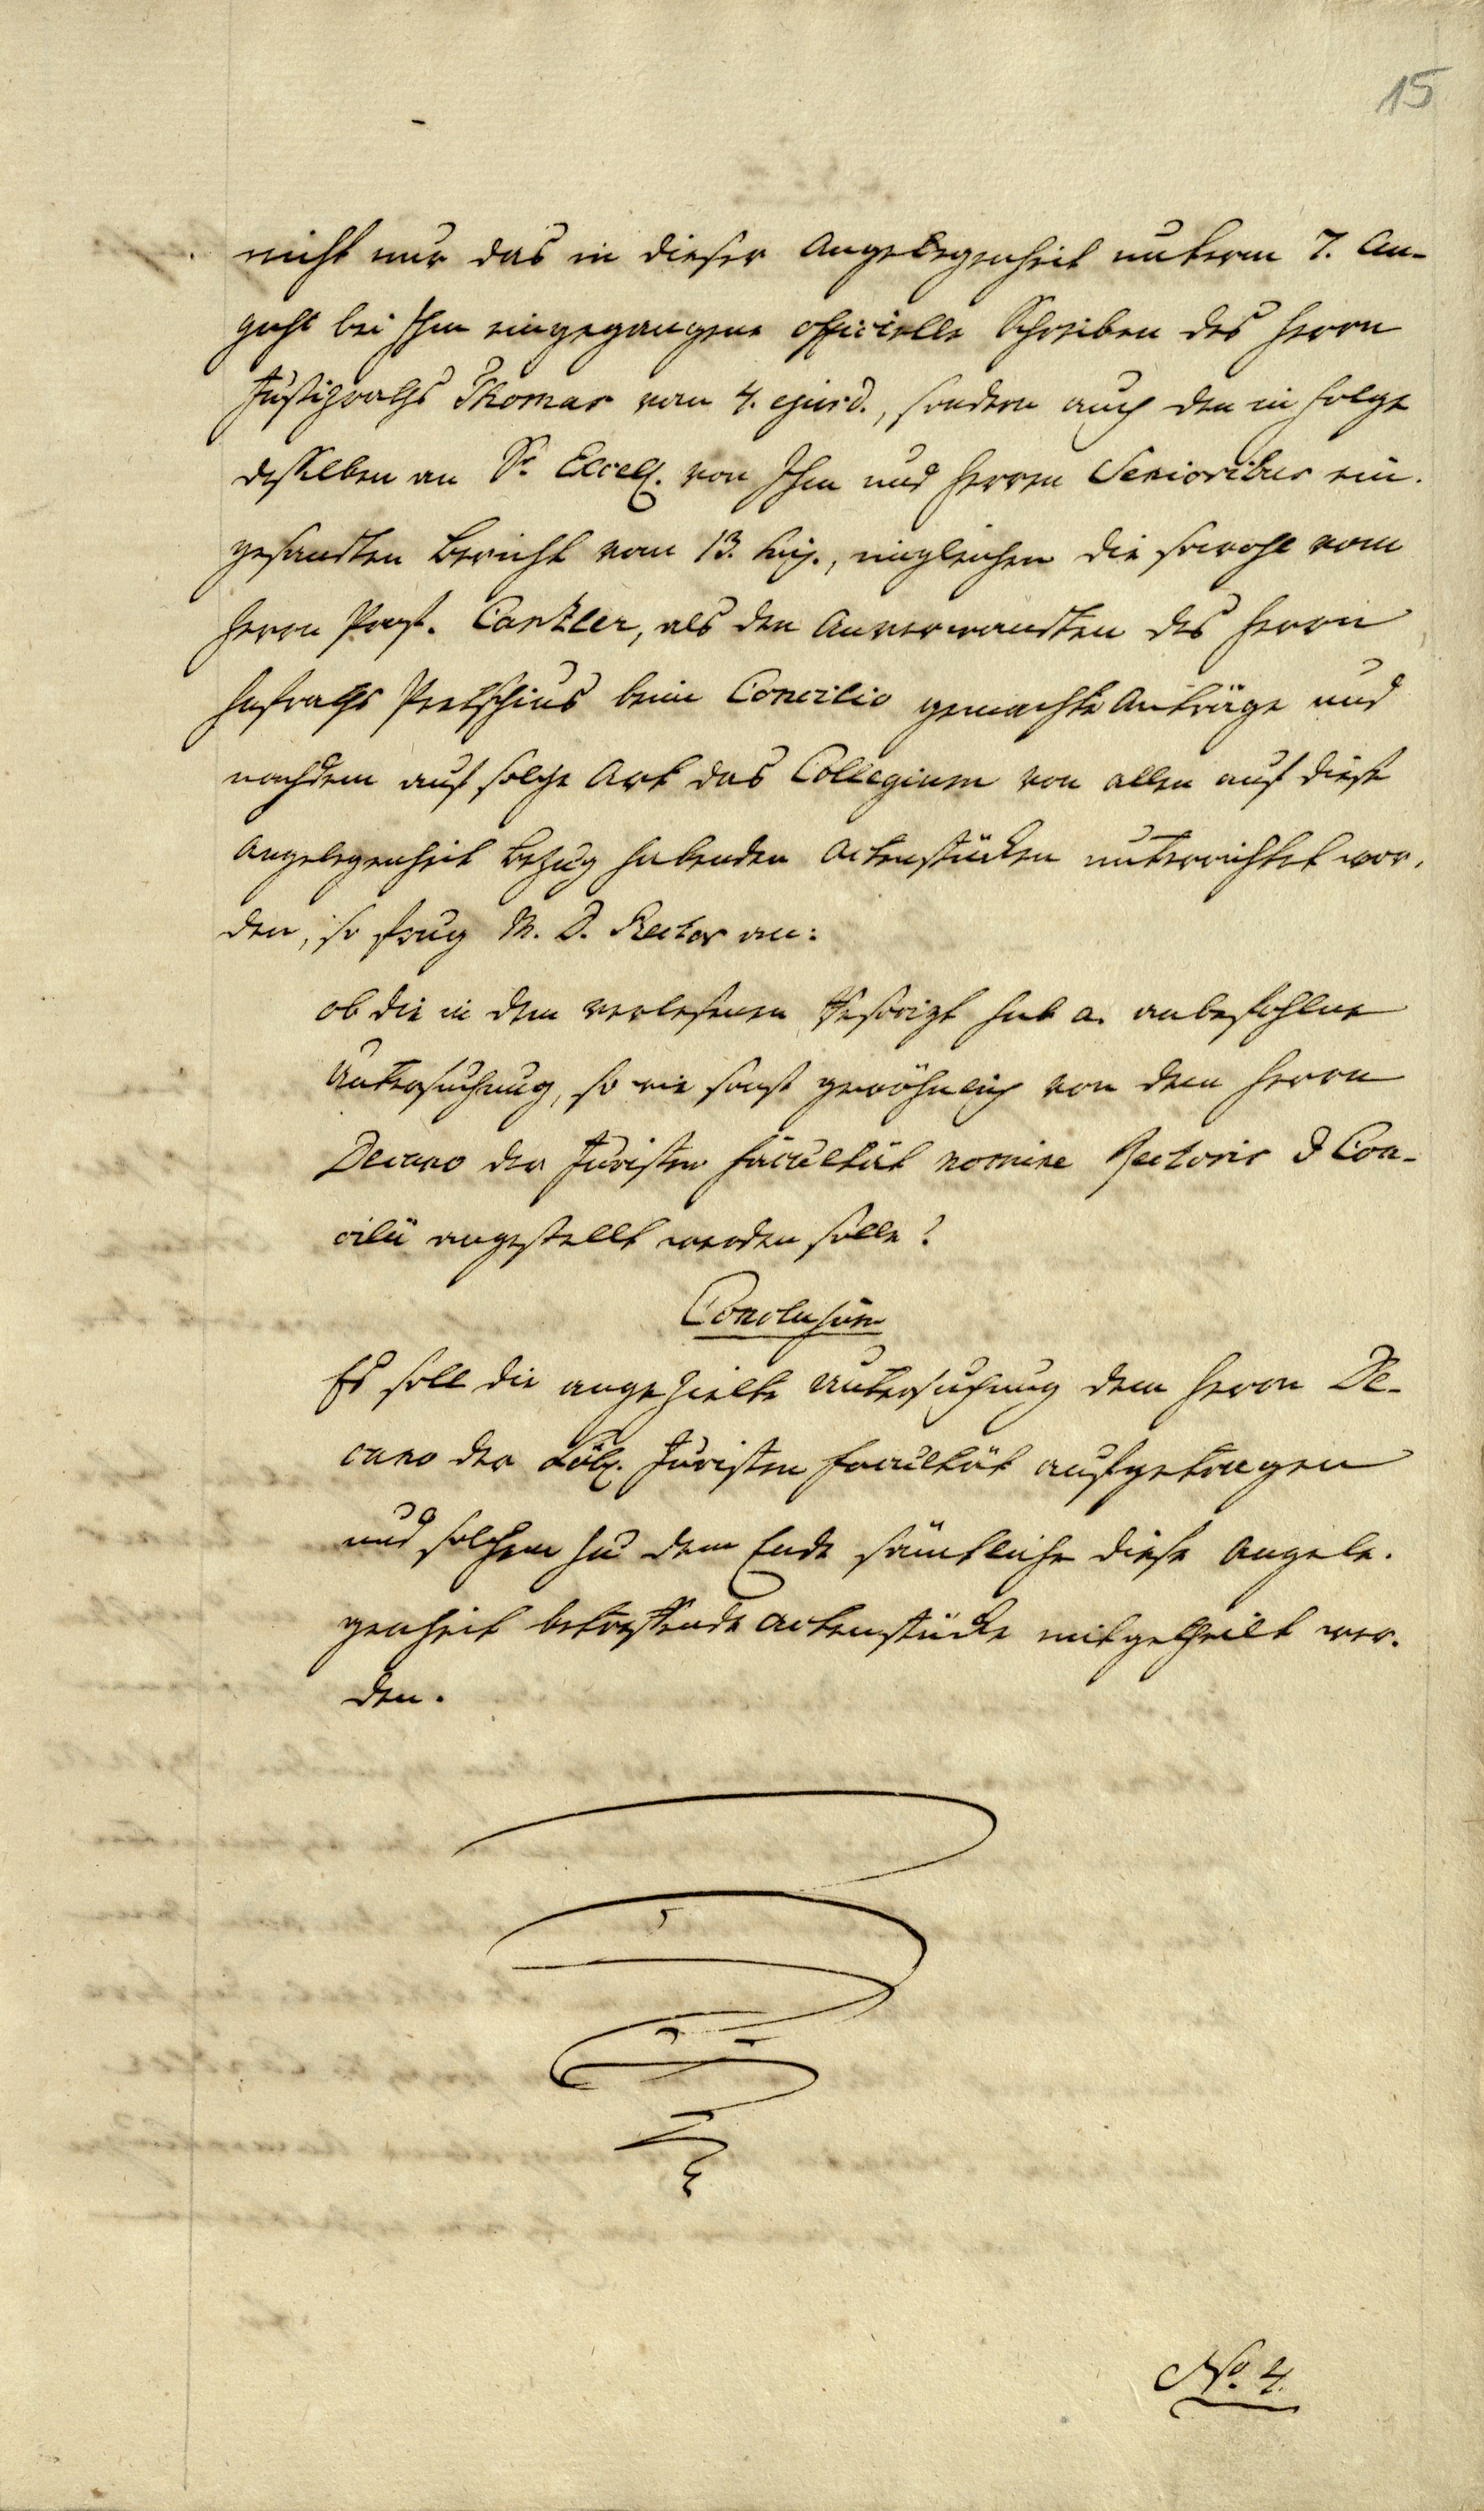nicht nur das in dieser Angelegenheit unterm 7. Au¬
gust bei Ihm eingegangene officielle Schreiben des Herrn
Justizraths Thomas vom 4. ejusd., sondern auch den in Folge
desselben an Sr Excell. von Ihm und Herren Senioribus ein¬
gesandten Bericht vom 13. huj., imgleichen die sowohl vom
Herrn Prof. Canzler, als den Anverwandten des Herrn
Hofraths Peetschius beim Concilio gemachte Anträge und
nachdem auf solche Art das Collegium von allen auf diese
Angelegenheit Bezug habenden Actenstücken unterrichtet wor¬
den, so frug M. D. Rector an:
ob die in dem verlesenen Rescript sub a. anbefohlne
Untersuchung, so wie sonst gewöhnlich von dem Herrn
Decano der Juristen Facultät nomine Rectoris et Con¬
cilii angestellt werden solle?
Conclusum
Es soll die angezielte Untersuchung dem Herrn De¬
cano der Löbl. Juristen Facultät aufgetragen
und solchem zu dem Ende sämtliche diese Angele¬
genheit betreffende Actenstücke mitgetheilt wer¬
den.
No 4.